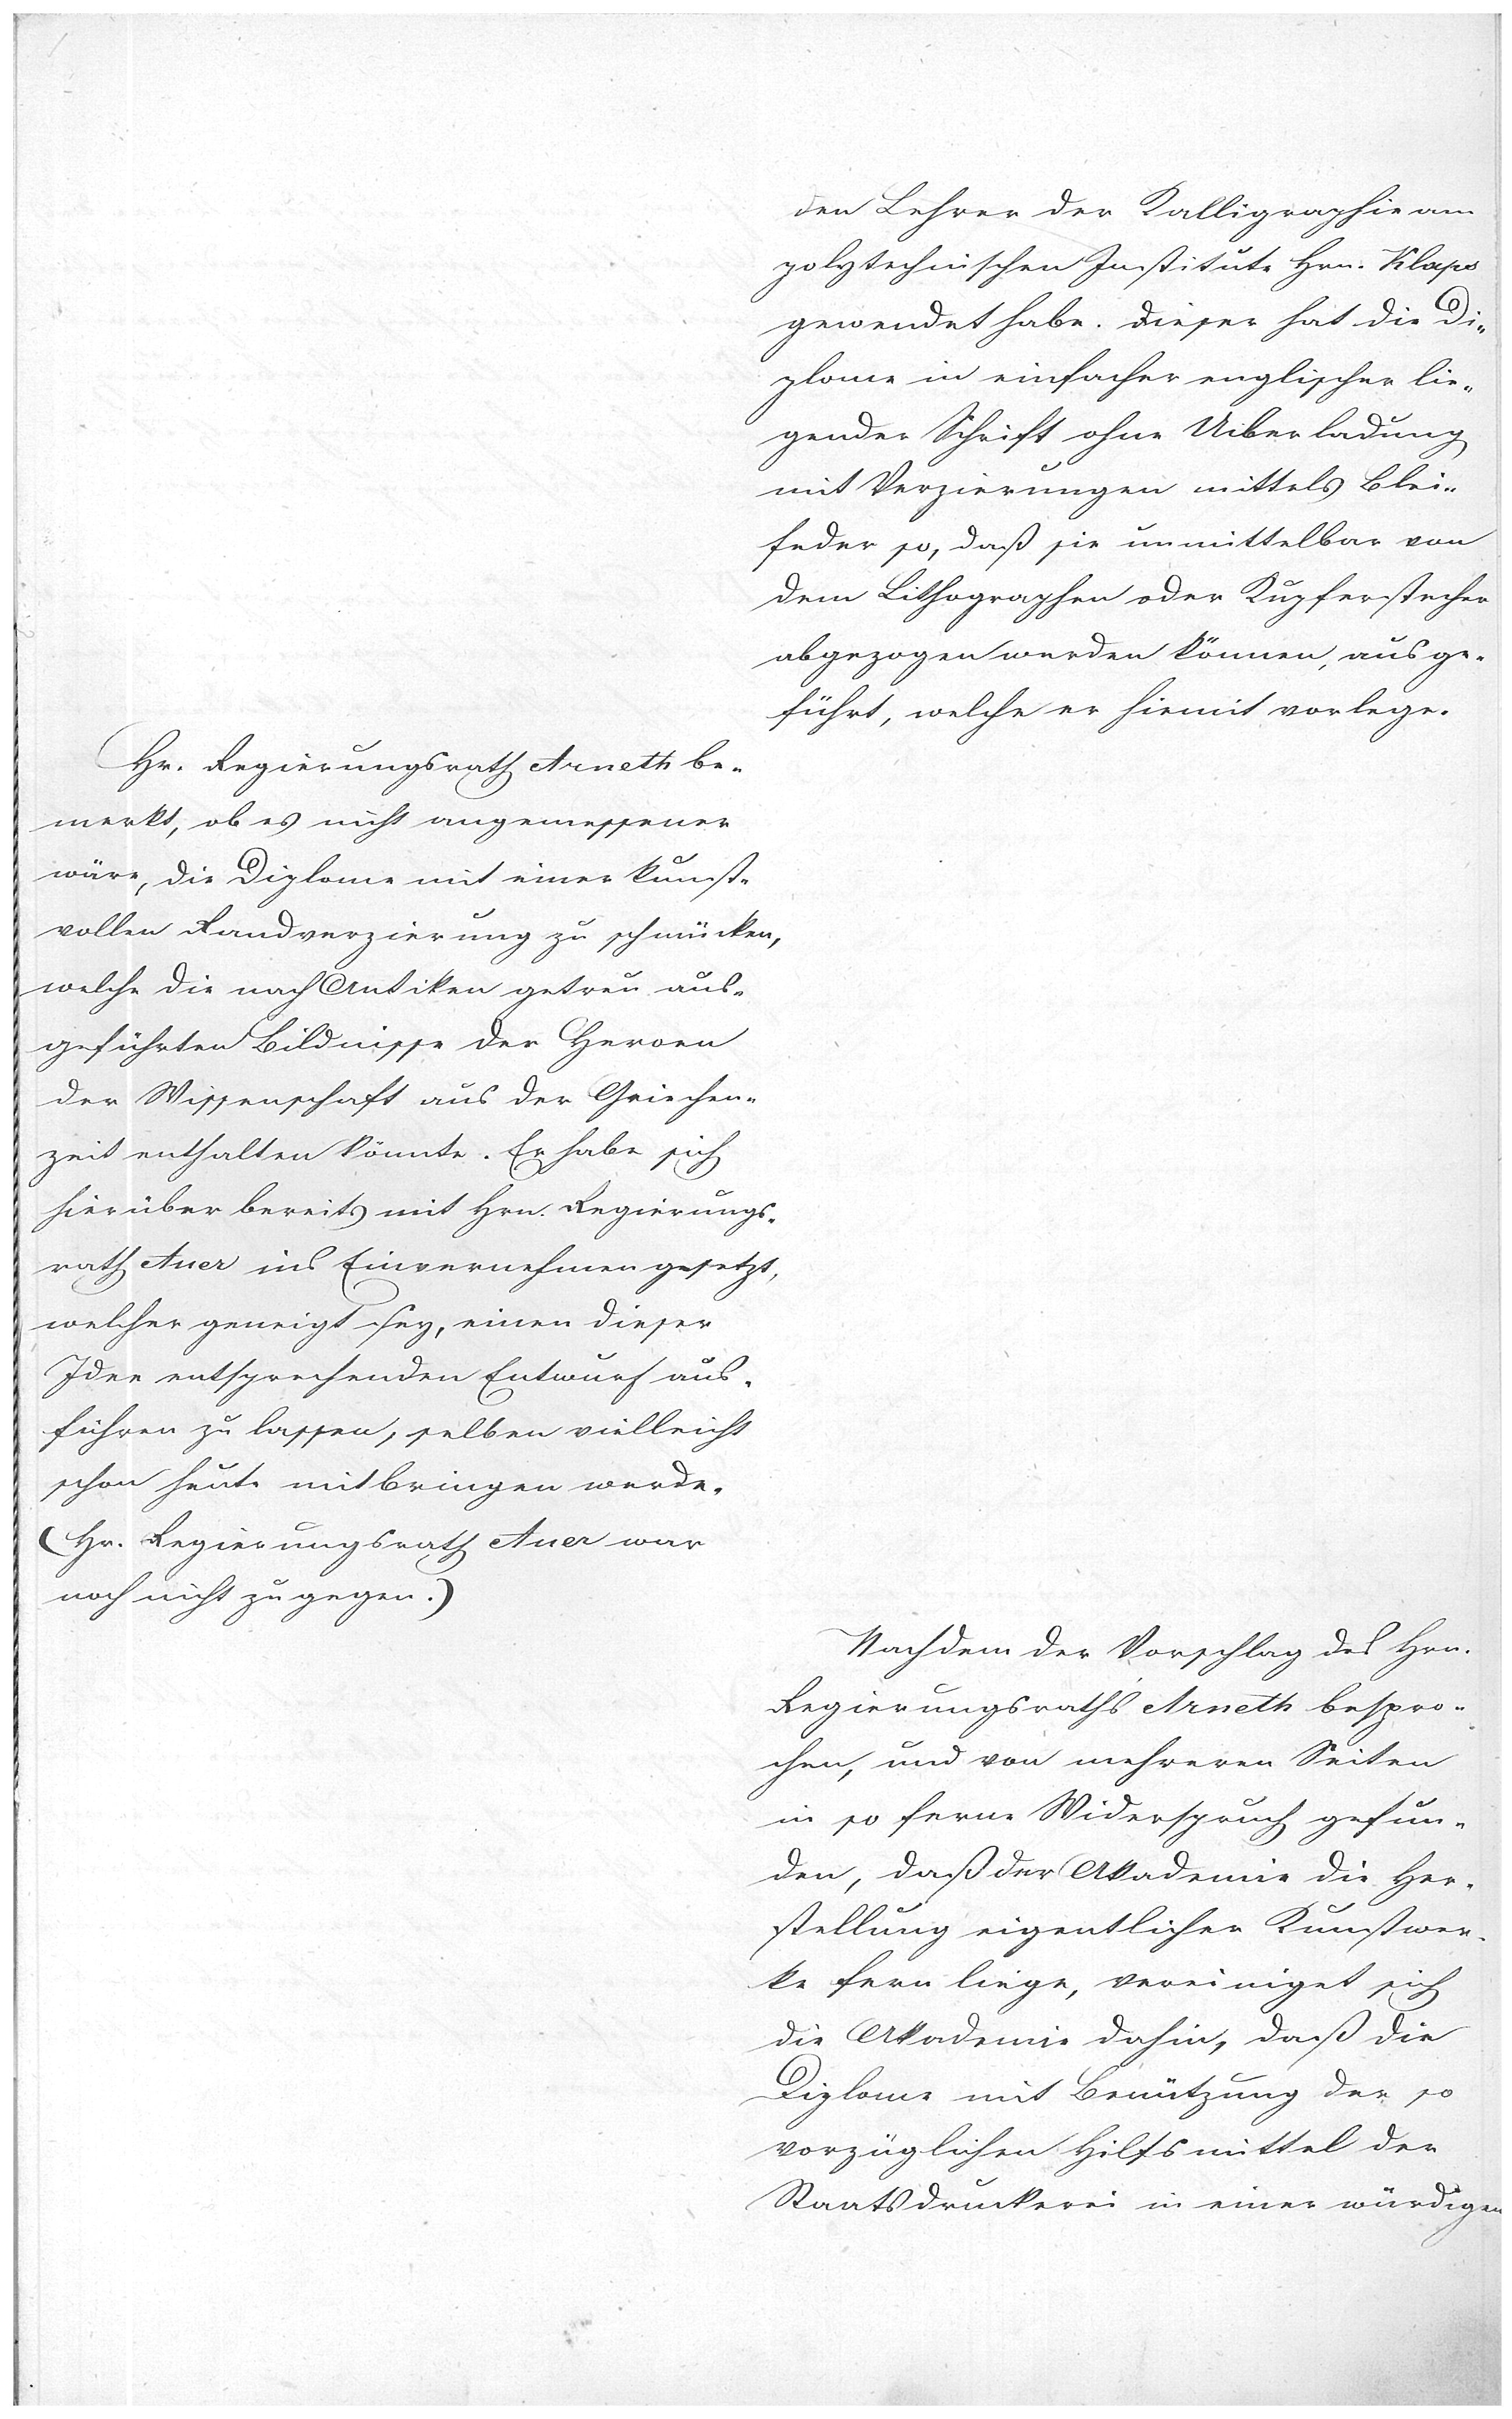den Lehrer der Kalligraphie am
polytechnischen Institute Hrn. Klaps
gewendet habe. Dieser hat die Di-
plome in einfacher englischer lie-
gender Schrift ohne Uiberladung
mit Verzierungen mittels blei-
feder so, daß sie unmittelbar von
dem Lithographen oder Kupferstecher
abgezogen werden können, ausge-
führt, welche er hiemit vorlege.
Hr. Regierungsrath Arneth be-
merkt, ob es nicht angemessener
wäre, die Diplome mit einer kunst-
vollem Randverzierung zu schmücken,
welche die nach Antiken getreu aus-
geführten Bildnisse der Heroen
der Wissenschaft aus der Griechen-
zeit enthalten könnte .Er habe sich
hierüber bereits mit Hrn. Regierungs--
rath Auer ins Einvernehmen gesetzt,
welcher gezeigt sey, einen dieser
Idee entsprechenden Entwurf aus-
führen zu lassen, selben vielleicht
schon heute mitbringen werde.
(Hr. Regierungsrath Auer war
noch nicht zugegen.)
Nachdem der Vorschlag des Hrn.
Regierungsraths Arneth bespro-
chen und von mehreren Seiten
in so ferne Widerspruch gefun-
den daß der Akademie die Her-
stellung eigentlicher Kunstwer-
ke fern liege, vereiniget sich
die Akademie dahin, daß die
Diplome mit Benützung der so
vorzüglichen Hilfsmittel der
Staatsdruckerei in einer würdigen